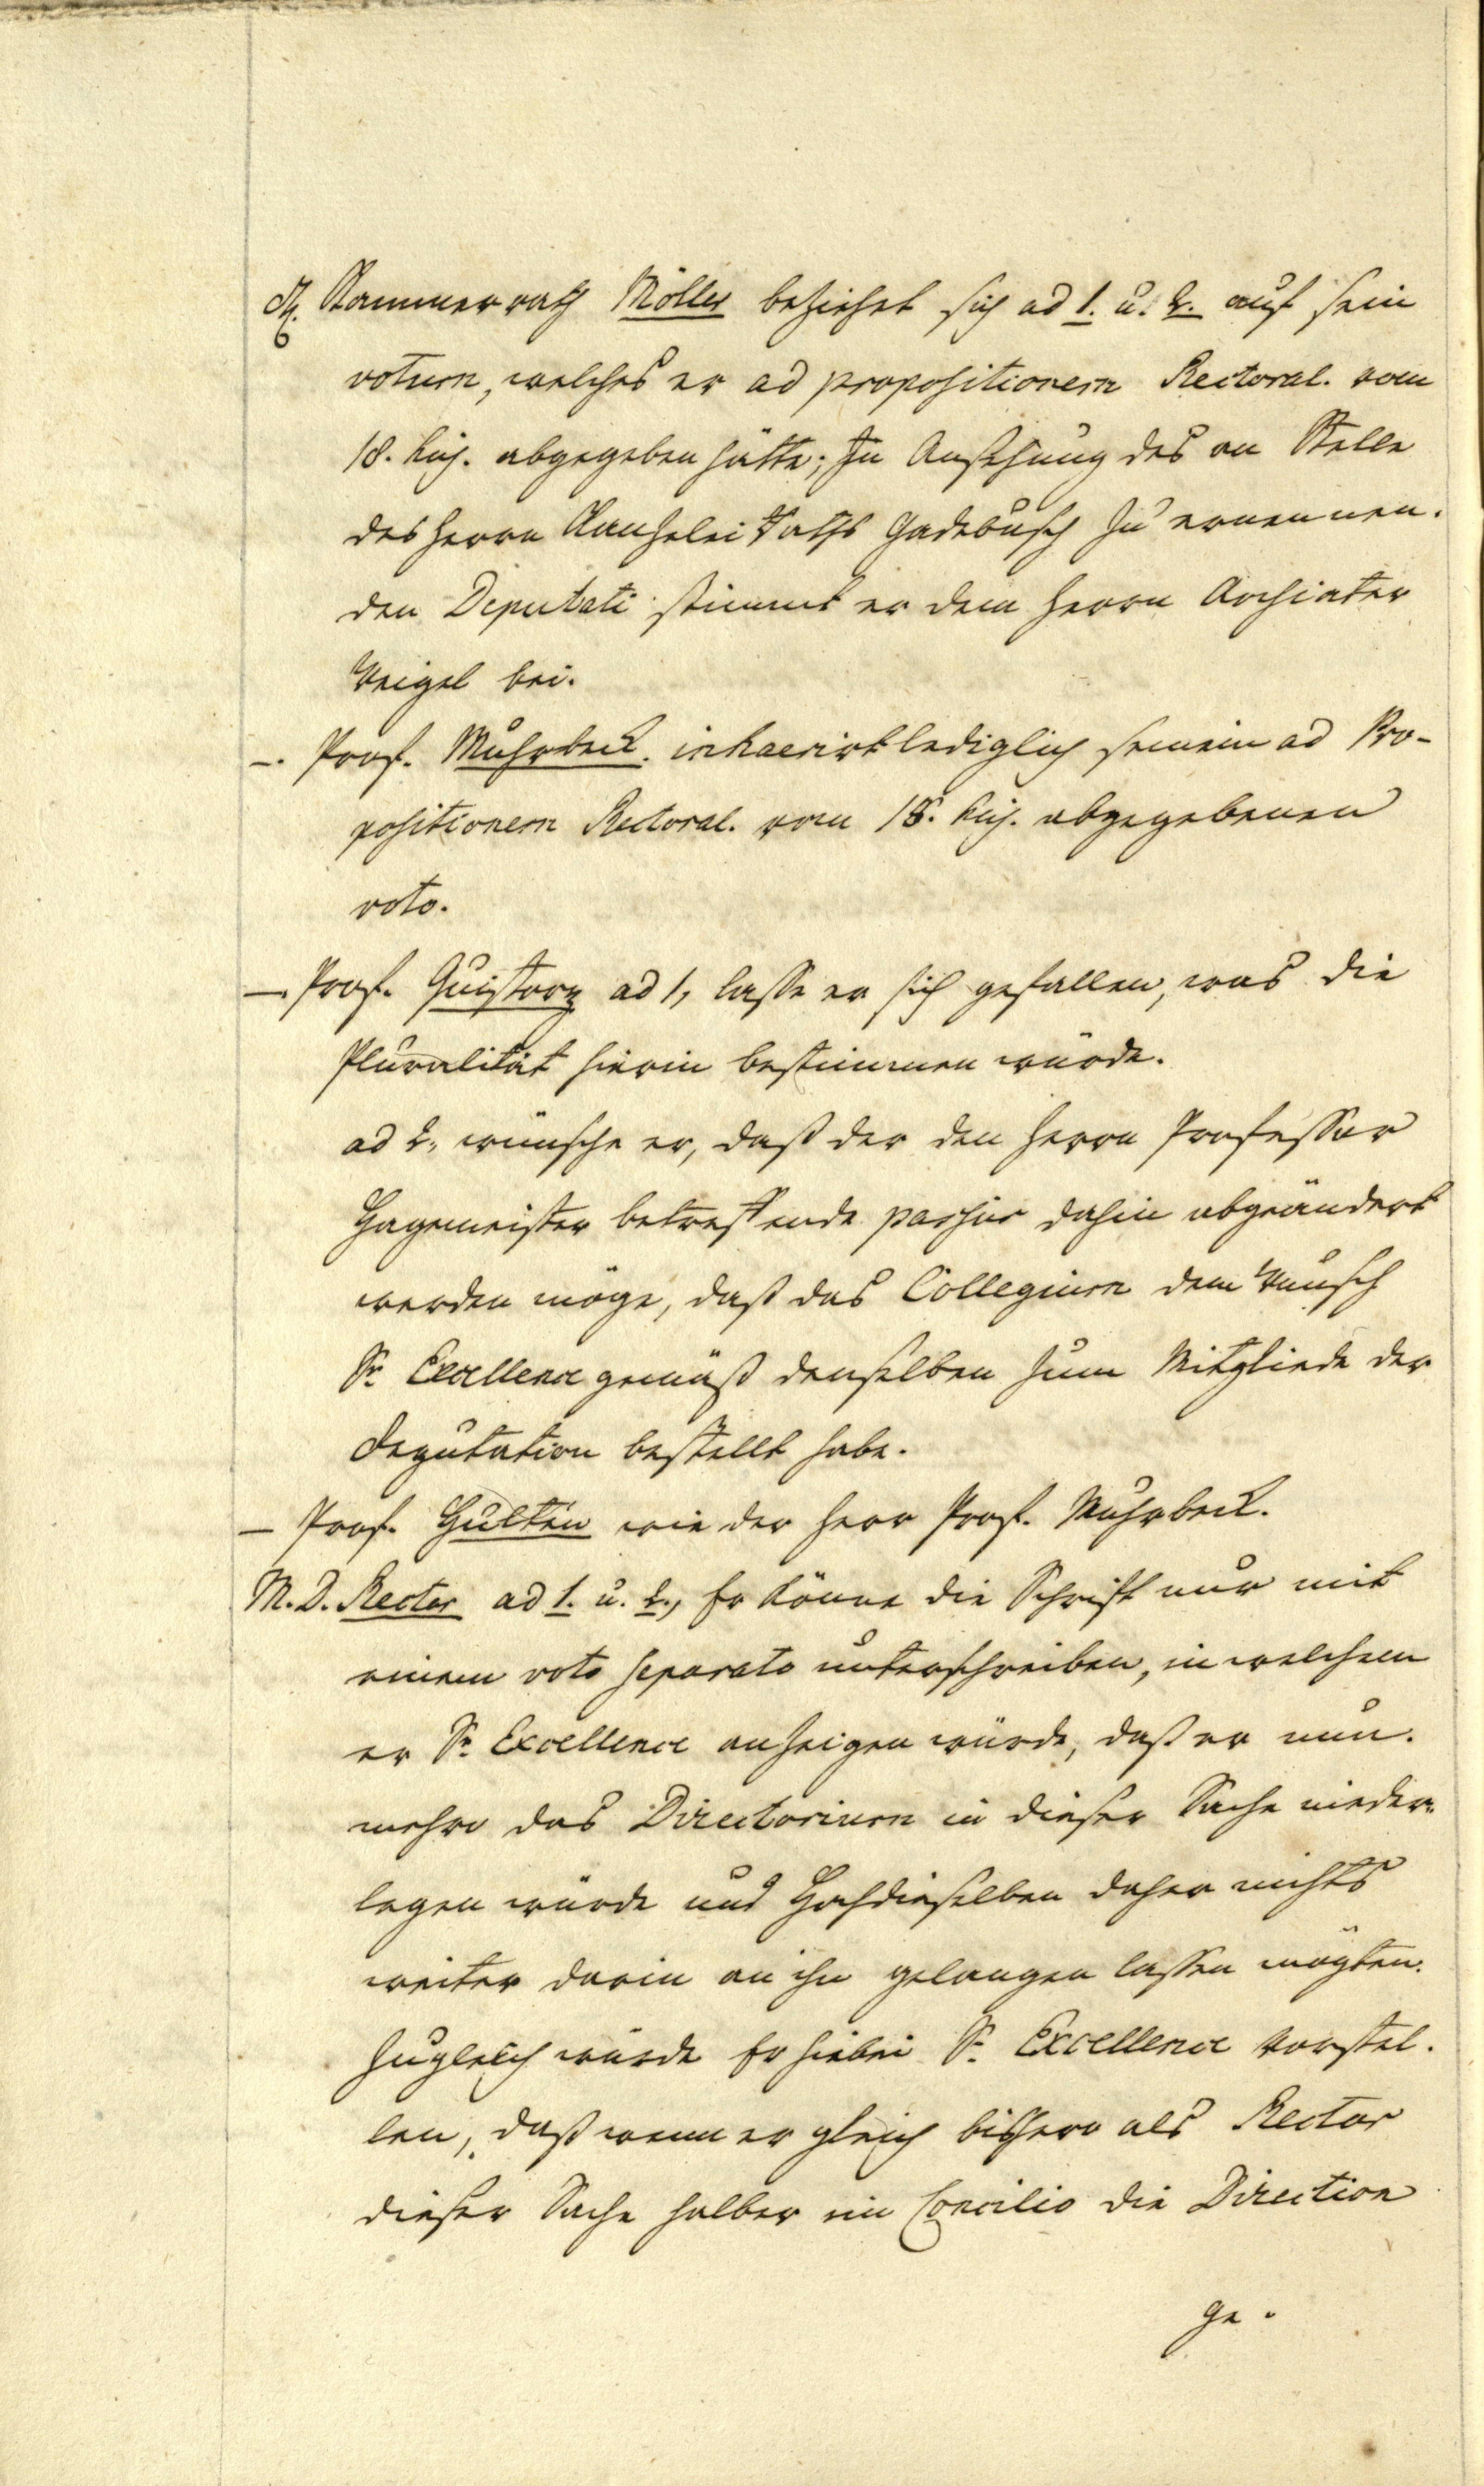dh. Kammerrath Möller beziehet sich ad 1. u. 2. auf sein
votum, welches er ad propositionem Rectoral. vom
18. huj. abgegeben hätte; In Ansehung des an Stelle
des Herrn Kanzelei Rath s Gadebusch zu ernennen¬
den Deputati stimmt er dem Herrn Archiater
Weigel bei.
Prof. Muhrbeck inhaerirt lediglich seinem ad Pro
positionem Rectoral. vom 18. huj. abgegebenen
voto.
Prof. Quistorp ad 1, lasse er sich gefallen, was die
Pluralität hierin bestimmen würde.
ad 2., wünsche er, daß der den Herrn Professor
Hagemeister betreffende passus dahin abgeändert
werden möge, daß das Collegium dem Wunsch
Sr. Excellence gemäß denselben zum Mitgliede der
Deputation bestellt habe.
Prof. Hultén wie der Herr Prof. Muhrbeck.
M. D. Rector ad 1. u. 2., Er könne die Schrift nur mit
einem voto separato unterschreiben, in welchem
er Sr Excellence anzeigen würde, daß er nun¬
mehro das Directorium in dieser Sache nieder¬
legen würde und Hochdieselben daher nichts
weiter darin an ihn gelangen lassen mögten.
Zugleich würde Er hiebei Sr. Excellence vorstel¬
len, daß wenn er gleich bishero als Rector
dieser Sache halber im Concilio die Direction
ge.